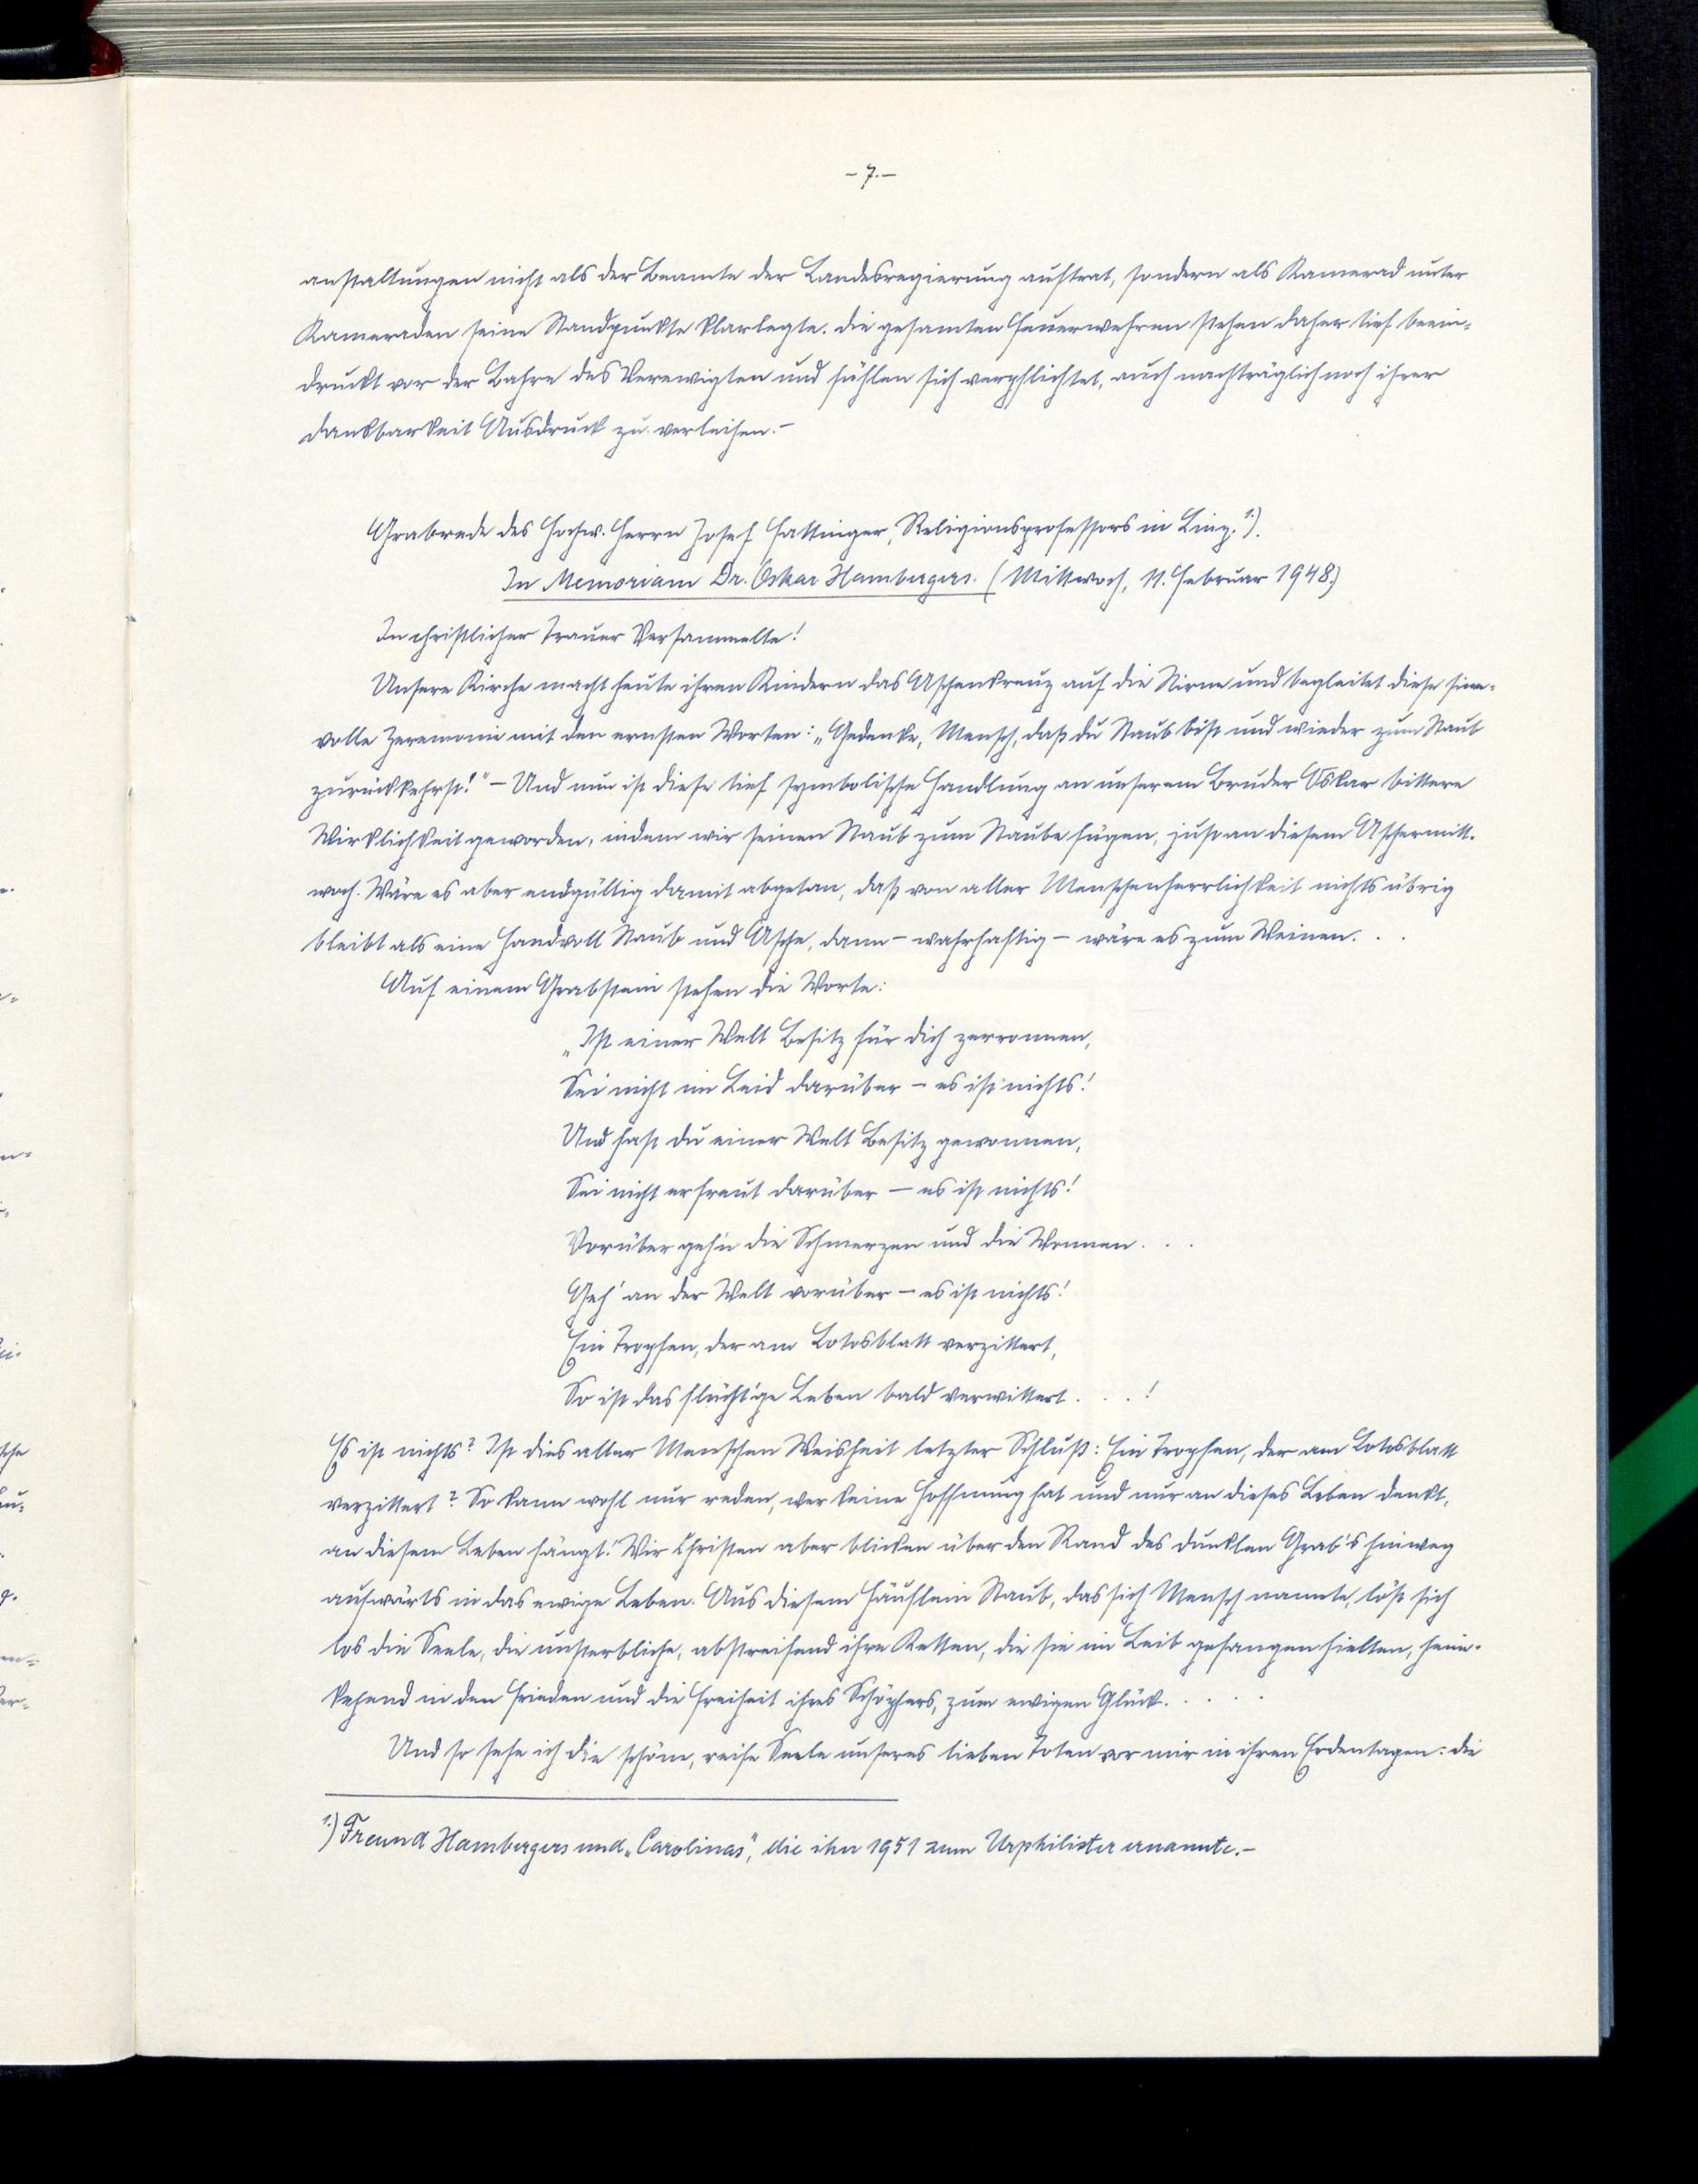7
anstaltungen nicht als der Beamte der Landesregierung auftrat, sondern als Kamerad unter
Kameraden seine Standpunkte klarlegte. Die gesamten Feuerwehren stehen daher tief beein-
druckt vor der Bahre des Verewigten und fühlen sich verpflichtet, auch nachträglich noch ihrer
Dankbarkeit Ausdruck zu verleihen.
Grabrede des Hochw. Herrn Josef Fattinger, Religionsprofessors in Linz 1)
In Memoriam Dr. Oskar Hamberger (Mittwoch, 11. Februar 1948)
In christlicher Trauer Versammelte!
Unsere Kirche macht heute ihren Kindern das Aschenkreuz auf die Stirn und begleitet diese sinn-
volle Zeremonie mit den ernsten Worten: „Gedenke, Mensch daß du Staub bist und wieder zum Staub
zurückkehrst!“- Und nun ist diese tief symbolische Handlung an unserem Bruder Oskar bittere
Wirklichkeit geworden, indem wir seinen Staub zum Staube fügen, just an diesem Aschermitt-
woch. Wäre es aber endgültig damit abgetan, dass von aller Menschenherrlichkeit nichts übrig
bleibt, als eine Handvoll Staub und Asche, dann-wahrhaftig-wäre es zum Weinen …
Auf einem Grabstein stehen die Worte:
„Ist einer Welt Besitz für dich zerronnen,
Sei nicht im Leid darüber-es ist Nichts!
Und hast du einer Welt Besitz gewonnen,
Sei nicht erfreut darüber-es ist nicht Nichts!
Vorüber gehen die Schmerzen und die Wennen …
Geht an der Welt vorüber – es ist Nichts!
Ein Tropfen, der am Lotusblatt erzittert,
So ist das flüchtige Leben bald verzittert…!
Es ist nichts? Ist dies aller Menschen Weisheit letzter Schluß: ein Tropfen, der am Lotusblatt
verzittert? So kann wohl nur reden, wer keine Hoffnung hat und nur an dieses Leben denkt,
an diesem Leben hängt. Wir Christen aber blicken über den Rand des dunklen Grab‘s hinweg
aufwärts in das ewige Leben. Aus diesem Häuflein Staub, das sich Mensch nannte, löst sich
los die Seele, die unsterbliche, abstreifend ihre Ketten, die sie im Leid gefangen hielten, heim-
kehrend in den Frieden und die Freiheit ihres Schöpfers zum ewigen Glück…
Und so sehe ich die schöne, reife Seele unseres lieben Toten vor mir in ihren Erdentagen: die
1) Freund Hambergers und „Carolinas“, die ihn 1951 zum Urphilister ernannte. –